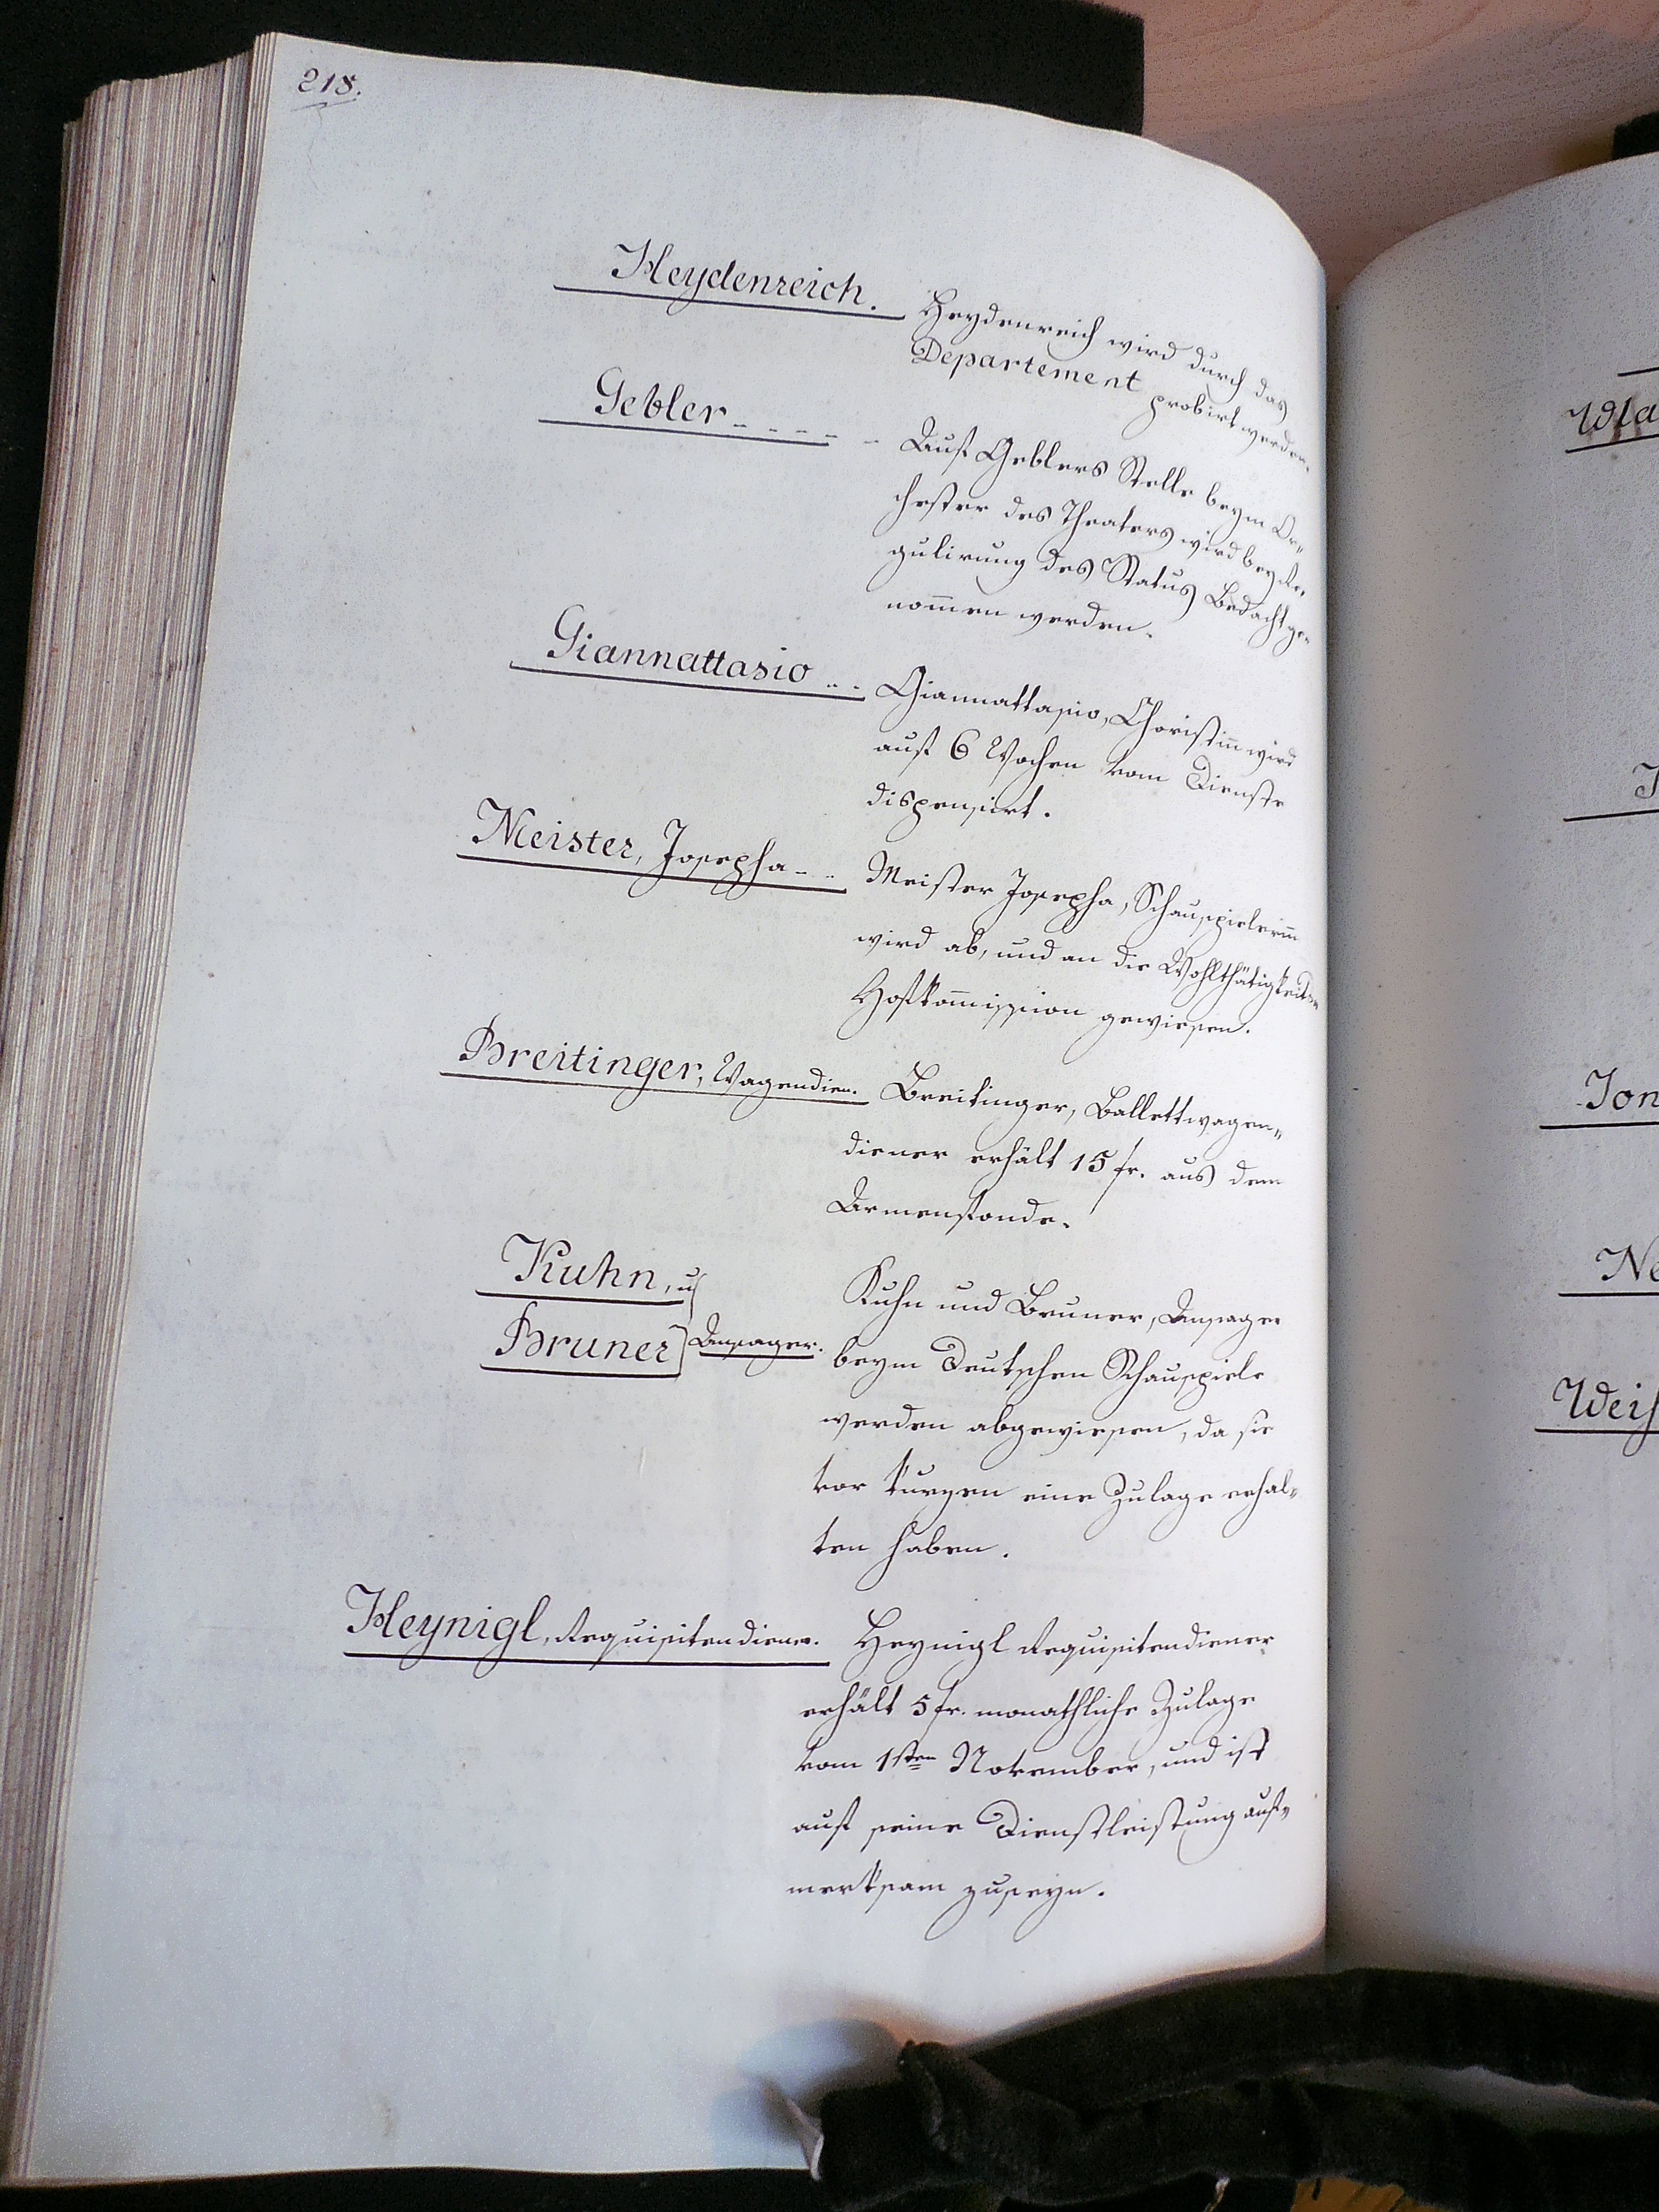218.
Heydenreich. Heydenreich wird durch das
Departement probirt werden.
Gebler .. .. .. .. .. Auf Geblers Stelle beym Or¬
chester des Theaters wird bey Re¬
gulirung des Status, Bedacht ge¬
nom̅en werden.
Giannattasio .. . Giannattasio, Choristin wird
auf 6 Wochen vom Dienste
dispensirt.
Meister, Josepha .. .. Meister Josepha, Schauspielerin̅
wird ab, und an die Wohlthätigkeiten
Hofkom̅ission gewiesen.
Breitinger, Wagendien. Breitinger, Ballettwagen¬
diener erhält 15 fr. aus dem
Armenfonde.
Kuhn, u
Bruner
Ansager.
Kuhn und Bruner, Ansager
beym deutschen Schauspiele
werden abgewiesen, da sie
vor kurzen eine Zulage erhal¬
ten haben.
Heynigl, Requisitendiener. Heynigl Requisitendiener
erhält 5fr. monathliche Zulage
vom 1ste͇n November, und ist
auf seine Dienstleistung auf¬
merksam zuseyn.